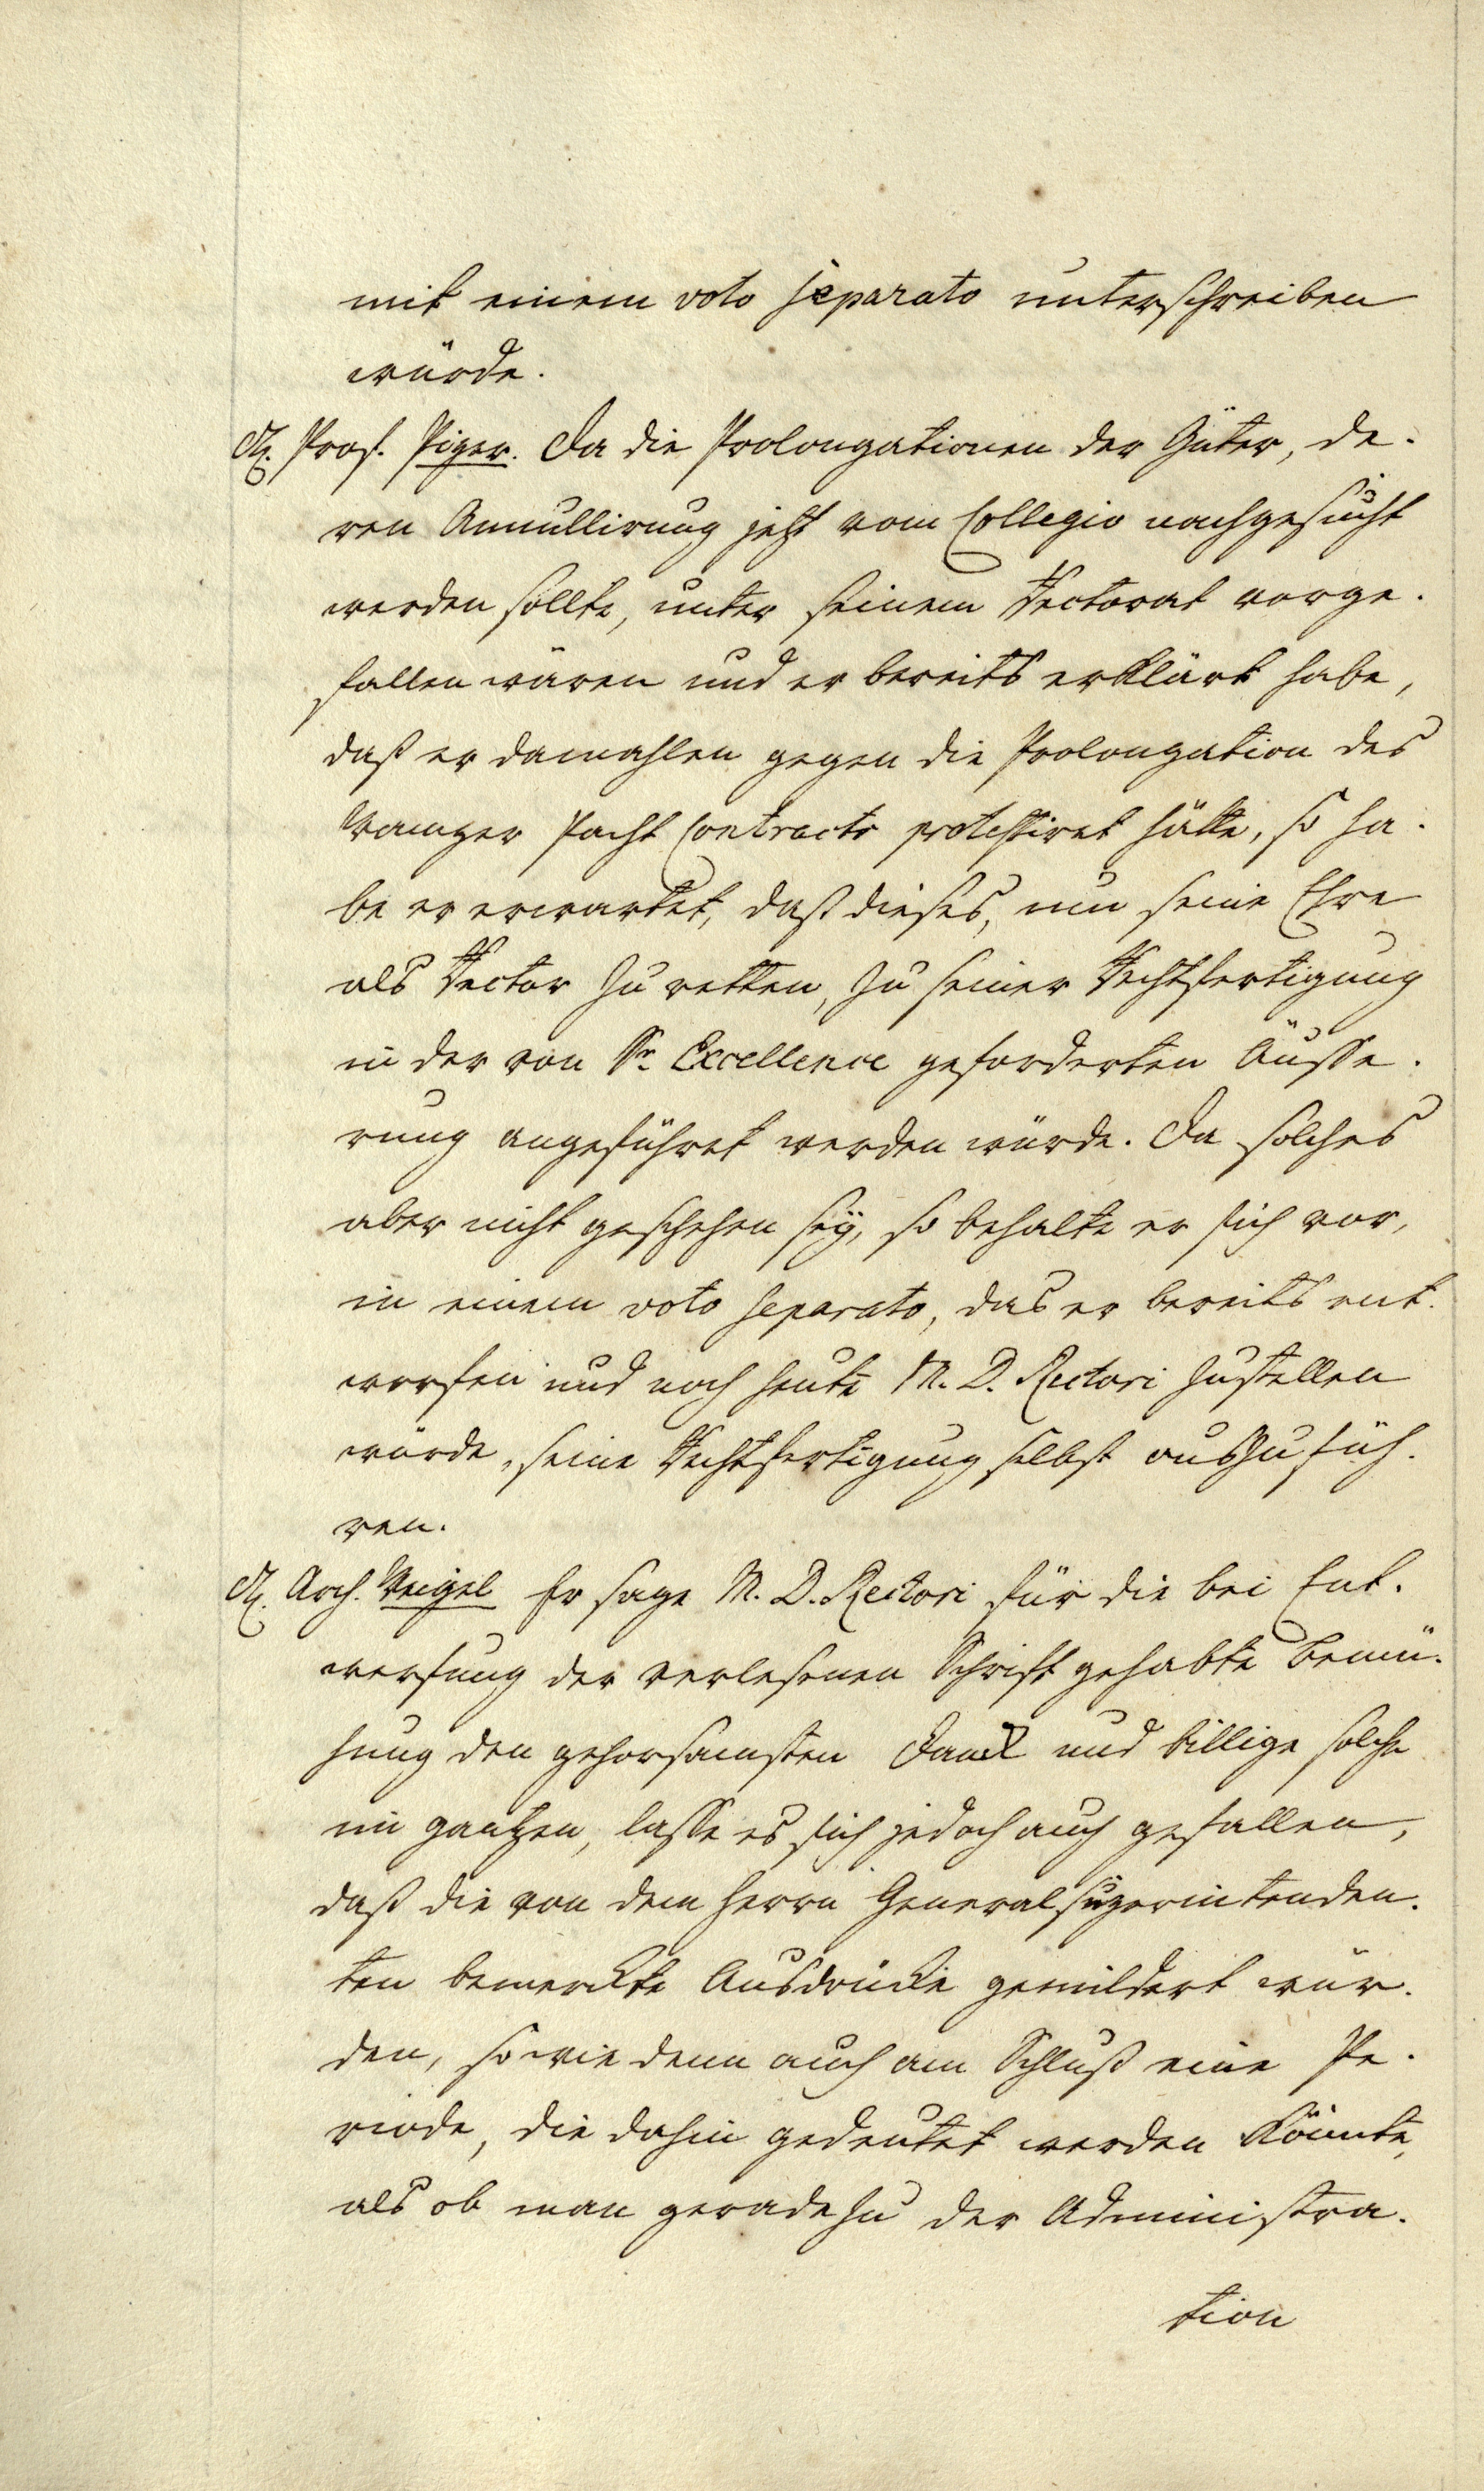mit einem voto separato unterschreiben
würde.
dh. Prof. Piper. Da die Prolongationen der Güter, de¬
ren Annullirung jetzt vom Collegio nachgesucht
werden sollte, unter seinem Rectorat vorge¬
fallen wären und er bereits erklärt habe,
daß er damahlen gegen die Prolongation des
Wamper Pacht Contracts protestiret hätte, so ha¬
be er erwartet, daß dieses, um seine Ehre
als Rector zu retten, zu seiner Rechtfertigung
in der von Sr Excellence geforderten Äusse¬
rung angeführet werden würde. Da solches
aber nicht geschehen seÿ, so behalte er sich vor,
in einem voto separato, das er bereits ent¬
worfen und noch heute M. D. Rectori zustellen
würde, seine Rechtfertigung selbst auszufüh¬
ren.
dh. Arch. Weigel. Er sage M. D. Rectori für die bei Ent¬
werfung der verlesenen Schrift gehabte Bemü¬
hung den gehorsamsten Danck und billige solche
im gantzen, lasse es sich jedoch auch gefallen,
daß die von dem Herrn Generalsuperintenden
ten bemerckte Ausdrücke gemildert wür¬
den, so wie denn auch am Schluß eine Pe¬
riode die dahin gedeutet werden könnte,
als ob man geradezu der Administra¬
tion